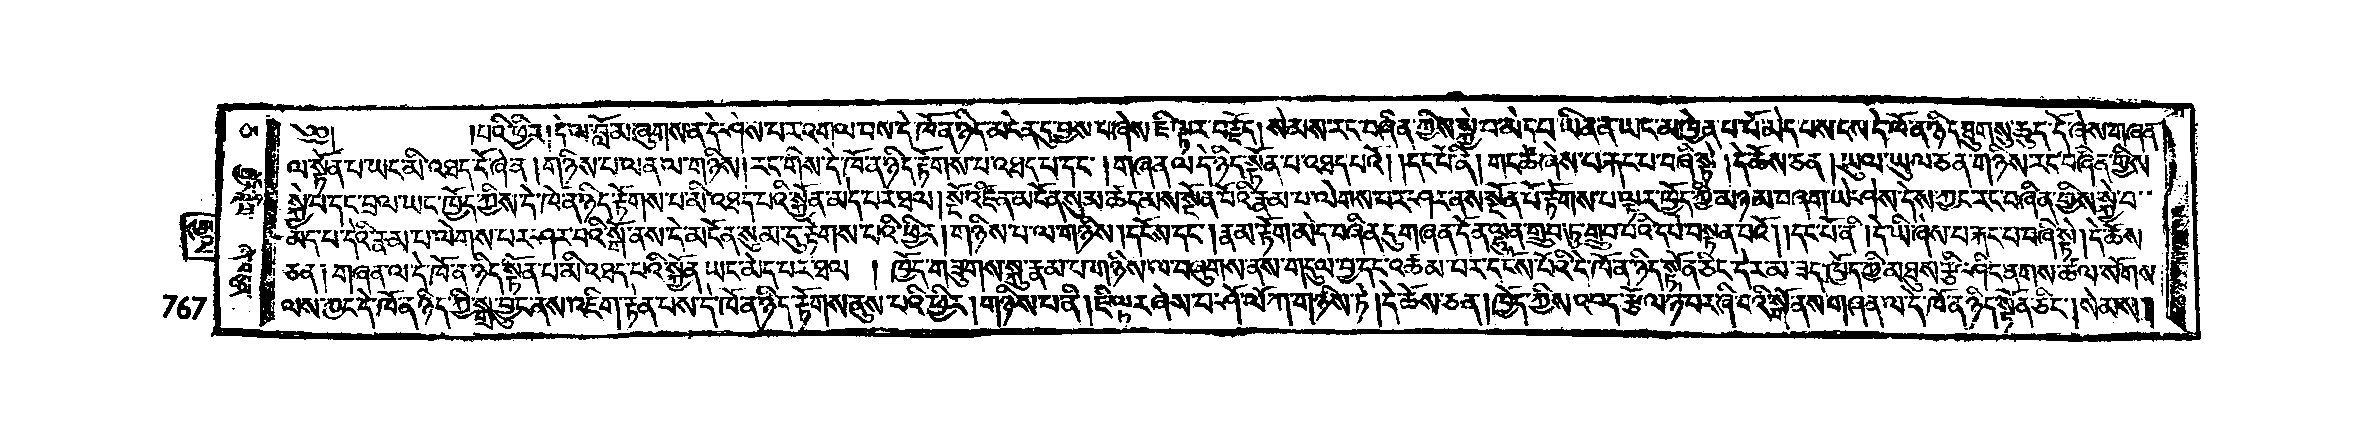༄༅། །པའི་ཕྱིར། དེ་ལ་བློ་མ་ཞུགས་ན་དེ་ཤེས་པར་འགལ་བས་དེ་ཁོ་ན་ཉིད་མངོན་དུ་བྱས་པ་ཞེས་ཇི་ལྟར་བརྗོད། སེམས་རང་བཞིན་གྱིས་སྐྱེ་བ་མེད་པ་ཡིན་ན་ཡང་མཁྱེན་པ་པོ་མེད་པས་ངས་དེ་ཁོ་ན་ཉིད་ཐུགས་སུ་ཆུད་དོ་ཞེས་གཞན་
ལ་སྟོན་པ་ཡང་མི་འཐད་དོ་ཞེ་ན། གཉིས་པ་ལན་ལ་གཉིས། རང་གིས་དེ་ཁོ་ན་ཉིད་རྟོགས་པ་འཐད་པ་དང་། གཞན་ལ་དེ་ཉིད་སྟོན་པ་འཐད་པའོ། །དང་པོ་ནི། གང་ཚེ་ཞེས་པ་རྐང་པ་བཞི་སྟེ། དེ་ཆོས་ཅན། ཡུལ་ཡུལ་ཅན་གཉིས་རང་བཞིན་གྱིས་
སྐྱེ་བ་དང་བྲལ་ཡང་ཁྱོད་ཀྱིས་དེ་ཁོ་ན་ཉིད་རྟོགས་པ་མི་འཐད་པའི་སྐྱོན་མེད་པར་ཐལ། སྔོ་འཛིན་མངོན་སུམ་ཚད་མས་སྔོན་པོའི་རྣམ་པ་ལེགས་པར་ཤར་ནས་སྔོན་པོ་རྟོགས་པ་ལྟར་ཁྱོད་ཀྱི་མཉམ་བཞག་ཡེ་ཤེས་དེས་ཀྱང་རང་བཞིན་གྱིས་སྐྱེ་བ་
མེད་པ་དེའི་རྣམ་པ་ལེགས་པར་ཤར་བའི་སྒོ་ནས་དེ་མངོན་སུམ་དུ་རྟོགས་པའི་ཕྱིར། གཉིས་པ་ལ་གཉིས། དངོས་དང་། རྣམ་རྟོག་མེད་བཞིན་དུ་གཞན་དོན་ལྷུན་གྲུབ་ཏུ་གྲུབ་པའི་དཔེ་བསྟན་པའོ། །དང་པོ་ནི། དེ་ཡི་ཞེས་པ་རྐང་པ་བཞི་སྟེ། དེ་ཆོས་
ཅན༑ གཞན་ལ་དེ་ཁོ་ན་ཉིད་སྟོན་པ་མི་འཐད་པའི་སྐྱོན་ཡང་མེད་པར་ཐལ། ཁྱོད་གཟུགས་སྐུ་རྣམ་པ་གཉིས་ལ་བཞུགས་ནས་གདུལ་བྱ་དང་འཚམ་པར་དངོས་པོའི་དེ་ཁོ་ན་ཉིད་སྟོན་ཅིང་དེར་མ་ཟད་ཁྱོད་ཀྱི་མཐུས་རྩི་ཤིང་ནགས་ཚལ་སོགས་
ལས་ཀྱང་དེ་ཁོ་ན་ཉིད་ཀྱི་སྒྲ་བྱུང་ནས་འཇིག་རྟེན་པས་དེ་ཁོ་ན་ཉིད་རྟོགས་ནུས་པའི་ཕྱིར། གཉིས་པ་ནི། ཇི་ལྟར་ཞེས་པ་ཤོ་ལོ་ཀ་གཉིས་ཏེ། དེ་ཆོས་ཅན། ཁྱོད་ཀྱིས་འབད་རྩོལ་ཉེ་བར་ཞི་བའི་སྒོ་ནས་གཞན་ལ་དེ་ཁོ་ན་ཉིད་སྟོན་ཅིང་། སེམས་